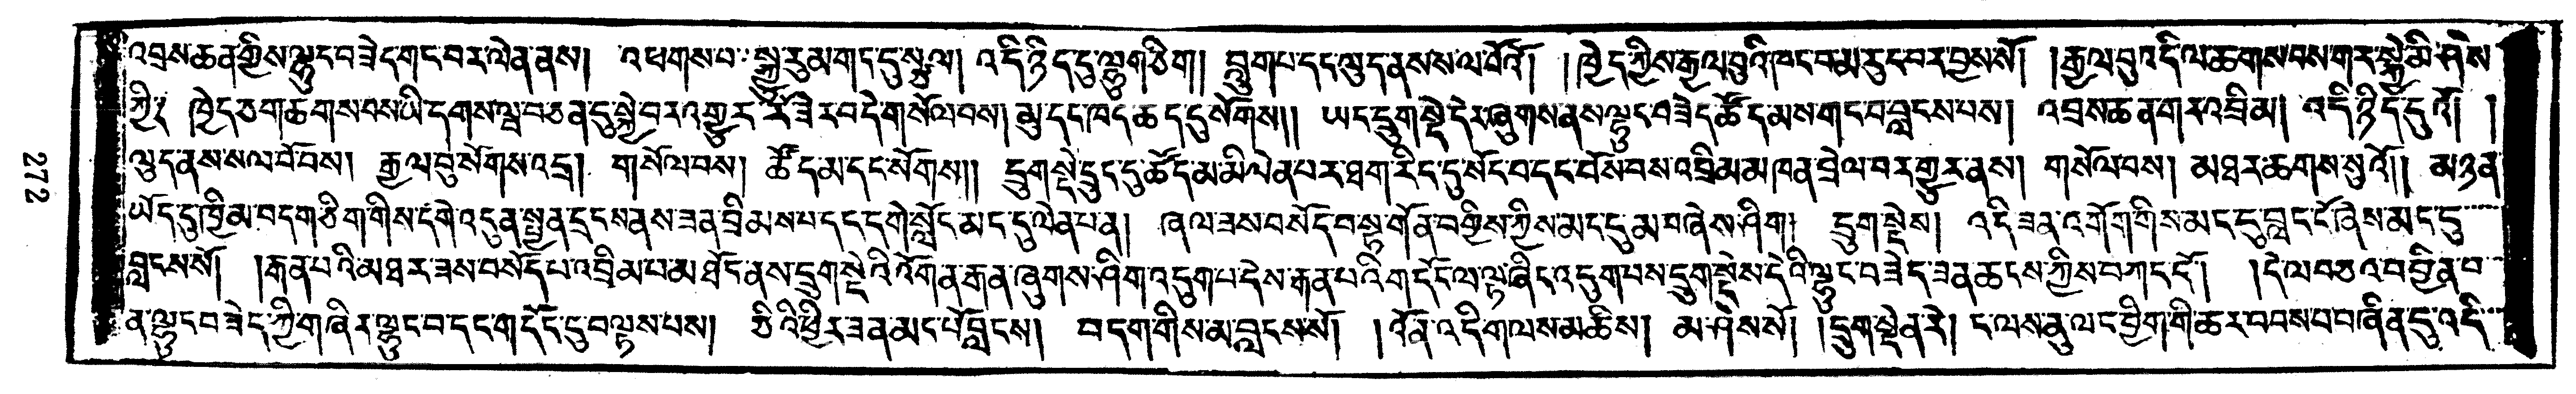འབྲས་ཆན་གྱིས་ལྷུང་བཟེད་གང་བར་ལེན་ནས། འཕགས་པ་སྐྱུ་རུམ་གང་དུ་སྩལ། འདི་ཉིད་དུ་ལྷུག་ཅིག། བླུག་པ་དང་ལུད་ནས་སལ་བོའོ། །ཁྱེད་ཀྱིས་རྒྱལ་བུའི་ཁང་བ་མ་རུང་བར་བྱས་སོ། །རྒྱལ་བུ་འདི་ལ་ཆགས་བས་གར་སྐྱེ་མི་ཤེས་
ཀྱི༑ ཁྱེད་ཅག་ཆགས་པས་ཡི་དགས་ཝ་བ་ཅན་དུ་སྐྱེ་བར་འགྱུར་རོ་ཟེར་བ་དེ་གསོལ་བས། མུ་དང་ཁད་ཆད་དུ་སོགས།། ཡང་དྲུག་སྡེ་དེར་ཞུགས་ནས་ལྷུང་བཟེད་ཚོད་མས་གང་བ་བླངས་པས། འབྲས་ཆན་གར་འབྲིམ། འདི་ཉིད་དུའོ། །
ལུད་ནས་སལ་བོ་བས། རྒྱལ་བུ་སོགས་འདྲ། གསོལ་བས། ཚོད་མ་དང་སོགས།། དྲུག་སྡེ་དྲུང་དུ་ཚོད་མ་མི་ལེན་པར་ཐག་རིང་དུ་སོང་བ་དང་བོས་བས་འབྲིམ་མཁན་བྲེལ་བར་གྱུར་ནས། གསོལ་བས། མཐར་ཆགས་སུའོ། །མཉན་
ཡོད་དུ་ཁྱིམ་བདག་ཅིག་གིས་དགེ་འདུན་སྤྱན་དྲངས་ནས་ཟན་བྲིམས་པ་དང་དགེ་སློང་མང་དུ་ལེན་པ་ན། ཞལ་ཟས་བསོད་བ་སྟ་གོན་བགྱིས་ཀྱིས་མང་དུ་མ་བཞེས་ཤིག། དྲུག་སྡེས། འདི་ཟན་འགོག་གིས་མང་དུ་བླང་ངོ་ཞེས་མང་དུ་
བླངས་སོ། །རྒན་པའི་མཐར་ཟས་བསོད་པ་འབྲིམ་པ་མཐོང་ནས་དྲུག་སྡེའི་འོག་ན་རྒན་ཞུགས་ཤིག་འདུག་པ་དེས་རྒན་པའི་གདོང་ལ་ལྟ་ཞིང་འདུག་པས་དྲུག་སྡེས་དེའི་ལྷུང་བཟེད་ཟན་ཆངས་ཀྱིས་བཀང་ངོ། །དེ་ལ་བཅའ་བ་བྱིན་པ་
ན་ལྷུང་བཟེད་ཀྱི་གཞིར་ལྷུང་བ་དང་གདོང་དུ་བལྟས་པས། ཅིའི་ཕྱིར་ཟན་མང་པོ་བླངས། བདག་གིས་མ་བླངས་སོ། །འོ་ན་འདི་ག་ལས་མཆིས། མ་ཤེས་སོ། །དྲུག་སྡེན་རེ། ང་ལས་ནུ་ལང་བྱིག་གི་ཆར་བབས་པ་བཞིན་དུ་འདི་